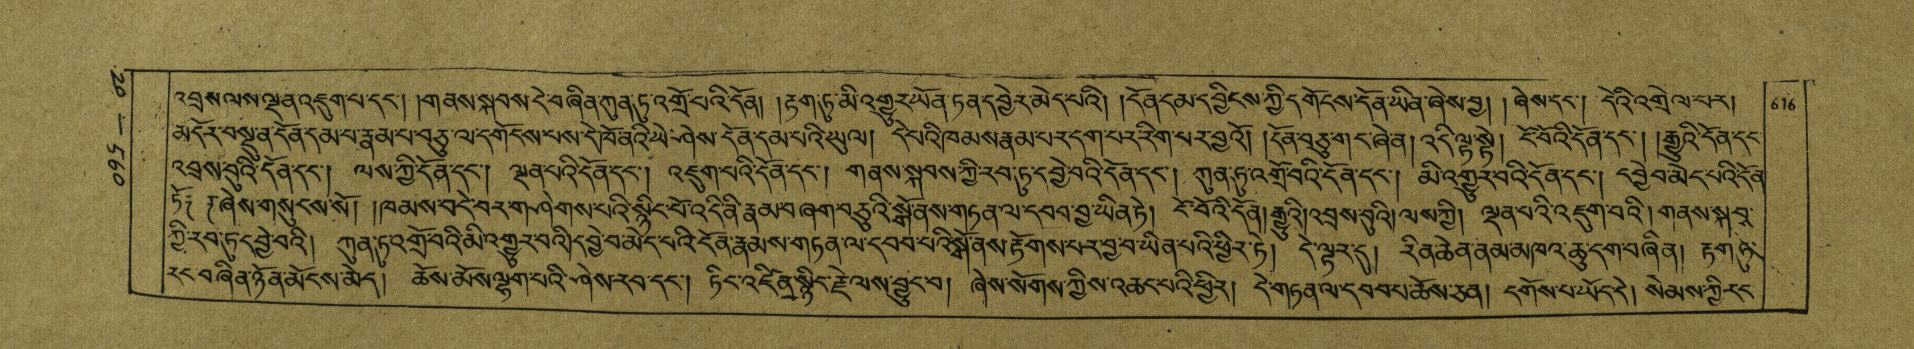འབྲས་ལས་ལྡན་འཇུག་པ་དང་། །གནས་སྐབས་དེ་བཞིན་ཀུན་ཏུ་འགྲོ་པའི་དོན། །རྟག་ཏུ་མི་འགྱུར་ཡོན་ཏན་དབྱེར་མེད་པའི། །དོན་དམ་དབྱིངས་ཀྱི་དགོངས་དོན་ཡིན་ཞེས་བྱ། །ཞེས་དང་། དེའི་འགྲེལ་པར།
མདོར་བསྡུ་ན་དོན་དམ་པ་རྣམ་པ་བཅུ་ལ་དགོངས་པས་དེ་ཁོ་ནའི་ཡེ་ཤེས་དོན་དམ་པའི་ཡུལ། དེ་པའི་ཁམས་རྣམ་པར་དག་པར་རིག་པར་བྱའོ། །དོན་བཅུ་གང་ཞེ་ན། འདི་ལྟ་སྟེ། ངོ་བོའི་དོན་དང་། །རྒྱུའི་དོན་དང་
འབྲས་བུའི་དོན་དང་། ལས་ཀྱི་དོན་དང་། ལྡན་པའི་དོན་དང་། འཇུག་པའི་དོན་དང་། གནས་སྐབས་ཀྱི་རབ་ཏུ་དབྱེ་བའི་དོན་དང་། ཀུན་ཏུ་འགྲོ་བའི་དོན་དང་། མི་འགྱུར་བའི་དོན་དང་། དབྱེ་བ་མེད་པའི་དོན་
ཏོ༑ ༑ཞེས་གསུངས་སོ། །ཁམས་བདེ་བར་གཤེགས་པའི་སྙིང་པོ་འདི་ནི་རྣམ་བཞག་བཅུའི་སྒོ་ནས་གཏན་ལ་དབབ་བྱ་ཡིན་ཏེ། ངོ་བོའི་དོན། རྒྱུའི། འབྲས་བུའི། ལས་ཀྱི། ལྡན་པའི་འཇུག་པའི། གནས་སྐབས་
ཀྱི་རབ་ཏུ་དབྱེ་བའི། ཀུན་ཏུ་འགྲོ་བའི་མི་འགྱུར་བའི། དབྱེ་བ་མེད་པའི་དོན་རྣམས་གཏན་ལ་དབབ་པའི་སྒོ་ནས་རྟོགས་པར་བྱ་བ་ཡིན་པའི་ཕྱིར་ཏེ། དེ་ལྟར་དུ། རིན་ཆེན་ནམ་མཁའ་ཆུ་དག་བཞིན། རྟག་ཏུ་
རང་བཞིན་ཉོན་མོངས་མེད། ཆོས་མོས་ལྷག་པའི་ཤེས་རབ་དང་། ཏིང་འཛིན་སྙིང་རྗེ་ལས་བྱུང་བ། ཞེས་སོགས་ཀྱིས་འཆང་བའི་ཕྱིར། དེ་གཏན་ལ་དབབ་པ་ཆོས་ཅན། དགོས་པ་ཡོད་དེ། སེམས་ཀྱི་རང་